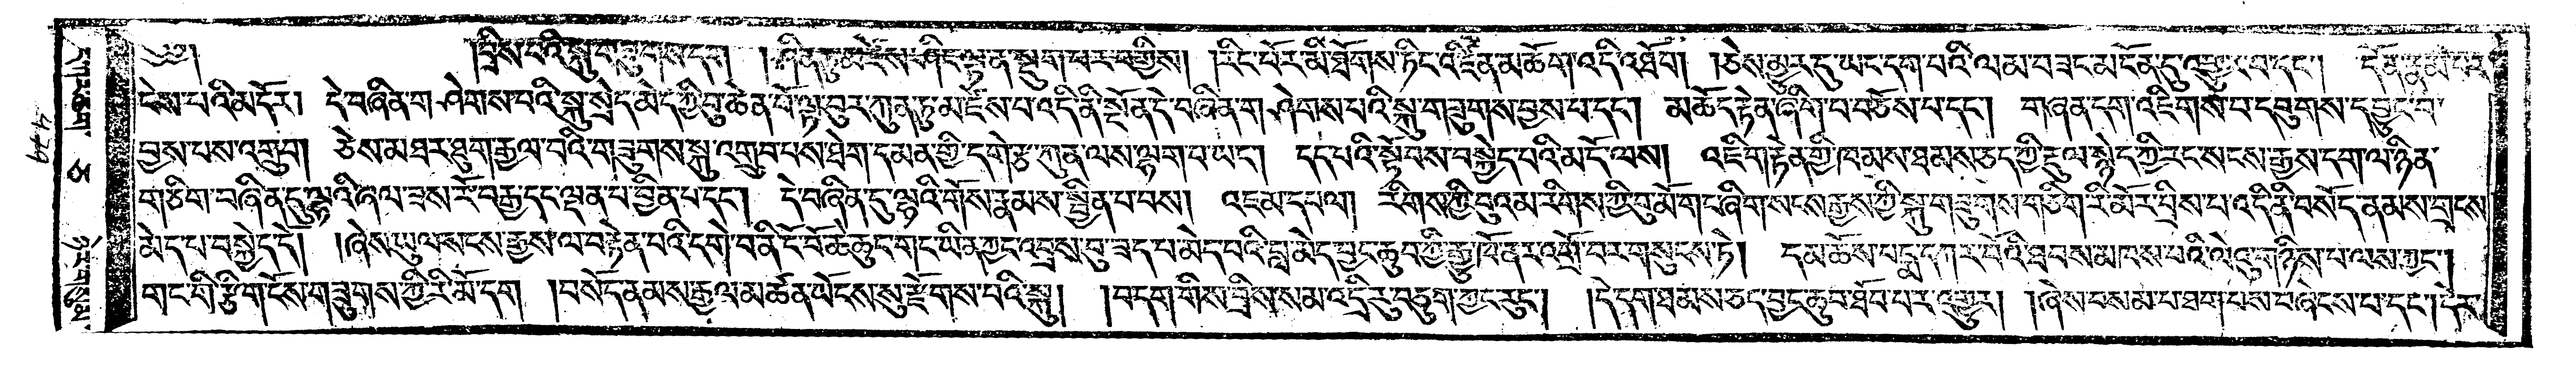༄༅། །བྲིས་པའི་སྐུ་གཟུགས་དང་། །ཤིན་ཏུ་མཛེས་ཤིང་ལྟ་ན་སྡུག་བར་བགྱིས། །རིང་པོར་མི་ཐོགས་ཏིང་འཛིན་མཆོག་འདི་འཐོབ། །ཅེས་མྱུར་དུ་ཡང་དག་པའི་ལམ་བཟང་མངོན་དུ་འགྱུར་བ་དང་། དོན་རྣམ་
ངེས་པའི་མདོར། དེ་བཞིན་གཤེགས་པའི་སྐུ་སྲེད་མེད་ཀྱི་བུ་ཆེན་པོ་ལྟ་བུར་ཀུན་ཏུ་མཛེས་པ་འདི་ནི་སྔོན་དེ་བཞིན་གཤེགས་པའི་སྐུ་གཟུགས་བྱས་པ་དང་། མཆོད་རྟེན་ཞིག་པ་བཅོས་པ་དང་། གཞན་དག་འཇིགས་པ་དབུགས་དབྱུང་པ་
བྱས་པས་འགྲུབ། ཅེས་མཐར་ཐུག་རྒྱལ་བའི་གཟུགས་སྐུ་འགྲུབ་པས་ཐེག་དམན་གྱི་དགེ་རྩ་ཀུན་ལས་ལྷག་པ་ཡང་། དད་པའི་སྟོབས་བསྐྱེད་པའི་མདོ་ལས། འཇིག་རྟེན་གྱི་ཁམས་ཐམས་ཅད་ཀྱི་རྡུལ་སྙེད་ཀྱི་རང་སངས་རྒྱས་དག་ལ་ཉིན་
གཅིག་བཞིན་དུ་ལྷའི་ཞལ་ཟས་རོ་བརྒྱ་དང་ལྡན་པ་བྱིན་པ་དང་། དེ་བཞིན་དུ་ལྷའི་གོས་རྣམས་སྦྱིན་པ་བས། འཇམ་དཔལ། རིགས་ཀྱི་བུའམ་རིགས་ཀྱི་བུ་མོ་གང་ཞིག་སངས་རྒྱས་ཀྱི་སྐུ་གཟུགས་གཅིག་རི་མོར་བྲིས་པ་འདི་ནི་བསོད་ནམས་གྲངས་
མེད་པ་བསྐྱེད་དོ། །ཞེས་ཡུལ་སངས་རྒྱས་ལ་བརྟེན་པའི་དགེ་བ་ནི་ངོ་བོ་ཆེ་ཆུང་གང་ཡིན་ཀྱང་འབྲས་བུ་ཟད་པ་མེད་བའི་བླ་མེད་བྱང་ཆུབ་ཀྱི་རྒྱུ་ཁོ་ནར་འགྲོ་བར་གསུངས་ཏེ། དམ་ཆོས་པདམ་དཀར་པོའི་ཐབས་མཁས་པའི་ལེའུ་གཉིས་པ་ལས་ཀྱང་།
གང་གི་རྩིག་ངོས་གཟུགས་ཀྱི་རི་མོ་དང་། །བསོད་ནམས་རྒྱལ་མཚན་ཨཡོངས་སུ་རྫོགས་བའི་སྐུ། །བདག་གིས་བྲིས་སམ་འདྲི་རུ་བཅུག་ཀྱང་རུང་། །དེ་དག་ཐམས་ཅད་བྱང་ཆུབ་ཐོབ་པར་འགྱུར། །ཞེས་བསམ་པ་ཐག་པས་བཞེངས་པ་དང་། དེར་